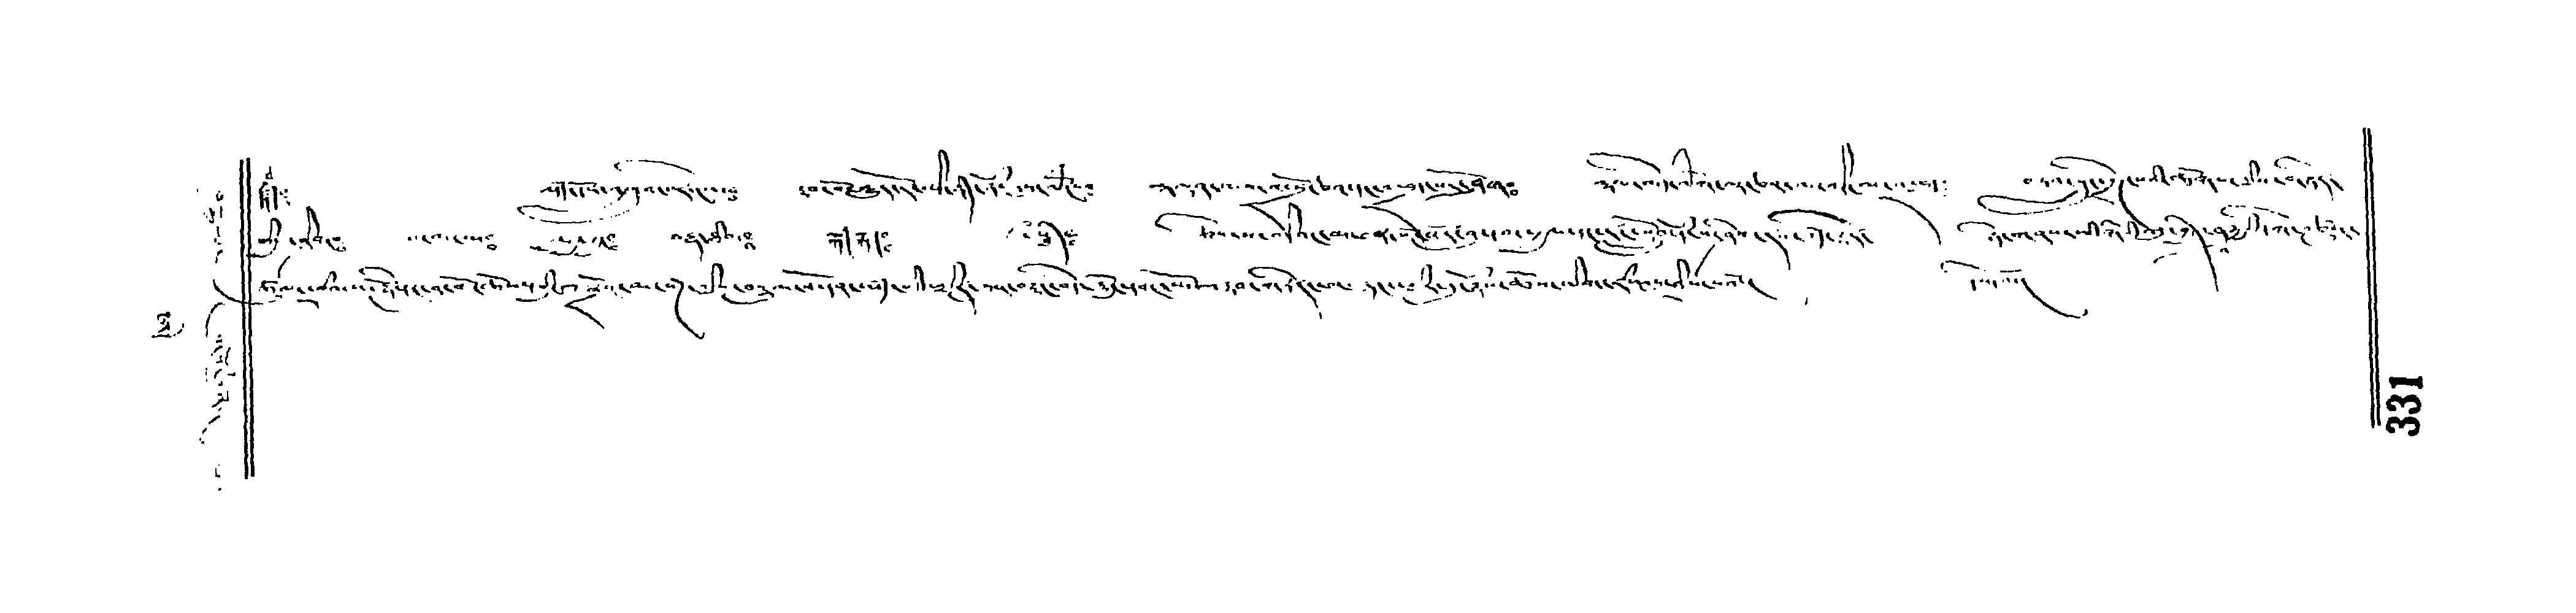འདོད་དོན་འགྲུབ་པར་ངེས༔ ཟབ་པོ་མྱུར་རོ་འདི་ཉིད་ཉམས་སུ་ལོངས༔ སྐལ་ལྡན་ལས་འཕྲོ་ཅན་དང་འཕྲད་པར་ཤོག༔ སྐལ་མེད་ལོག་ལྟ་ཅན་ལ་འདི་མ་འཕྲད༔ བཀའ་སྲུང་དྲེགས་པའི་ཚོགས་ཀྱིས་གཉེར་
གྱིས་ཤིག༔ ས་མ་ཡ༔ རྒྱ་རྒྱ་རྒྱ༔ བརྡ་ཐིམ༔ ༔ ཅེས་པ་འདིའང་མཁན་པོ་ནོར་བུ་དབང་རྒྱལ་དང་རང་སློབ་དམ་པ་ཤེས་རབ་འོད་ཟེར། ཉེ་གནས་ཡི་གེའི་འདུ་བྱེད་ཤཱཀྱའི་དགེ་བཙུན་
ཚུལ་ཁྲིམས་རྡོ་རྗེ་དང་བུ་མོ་ཆོས་དབྱིངས་སྒྲོན་མ་སོགས་ཀྱིས་བསྐུལ་བ་དོན་ཡོད་པའི་ཕྱིར་ཀུན་བཟང་བདེ་སྐྱོང་དབང་མོས་ཟབ་གཏེར་ཁ་བསྐང་ཕྱིར་དུ་ཉམས་ཆོས་ཡིག་རིས་སུ་བྲིས་པའོ།། མངྒ་ལམ།།